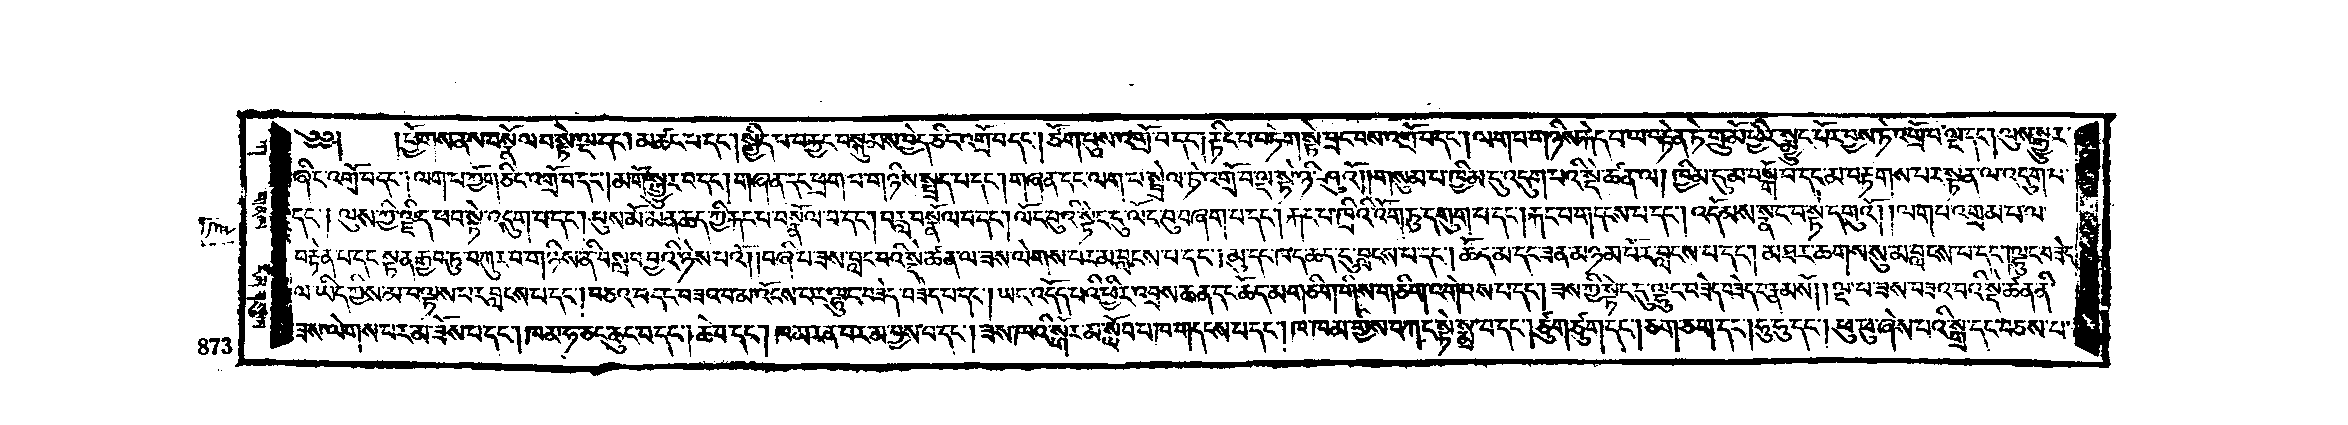༄༅། །ཕྱོགས་ནས་བསྣོལ་བ་སྟེ་ལྔ་དང་། མ་ཚང་པ་དང་། སྒྱིད་པ་བརྐྱང་བསྐུམས་བྱེད་ཅིང་འགྲོ་བ་དང་། ཙོག་པུས་འགྲོ་བ་དང་། རྟིང་པ་བཏེག་སྟེ་བྲང་བས་འགྲོ་བ་དང་། ལག་པ་གཉིས་རྐེད་པ་ལ་བརྟེན་ཏེ་གྲུ་མོ་ཕྱིར་སྨྱུང་པོར་བྱས་ཏེ་འགྲོ་བ་ལྔ་དང་། ལུས་སྒྱུར་
ཞིང་འགྲོ་བ་དང་། ལག་པ་ཀྱོག་ཅིང་འགྲོ་བ་དང་། མགོ་སྒྱུར་བ་དང་། གཞན་དང་ཕྲག་པ་གཉིས་སྤྲད་པ་དང་། གཞན་དང་ལག་པ་སྦྲེལ་ཏེ་འགྲོ་བ་ལྔ་སྟེ་ཉི་ཤུའོ། །གསུམ་པ་ཁྱིམ་དུ་འདུག་པའི་སྡེ་ཚན་ལ། ཁྱིམ་དུ་མ་བསྒོ་བ་དང་མ་བརྟགས་པར་སྟན་ལ་འདུག་པ་
དང་། ལུས་ཀྱི་ལྗིད་ཕབ་སྟེ་འདུག་པ་དང་། པུས་མོ་མན་ཆད་ཀྱི་རྐང་པ་བསྣོལ་བ་དང་། བརླ་བསྣོལ་བ་དང་། ལོང་བུའི་སྟེང་དུ་ལོང་བུ་བཞག་པ་དང་། རྐང་པ་ཁྲིའི་འོག་ཏུ་དགུག་པ་དང་། རྐང་པ་གདངས་པ་དང་། འདོམས་སྣང་བ་སྟེ་དགུའོ། །ལག་པ་འགྲམ་པ་ལ་
བརྟེན་པ་དང་སྟན་རྒྱབ་ཏུ་བཀུར་བ་གཉིས་ནི་བསླབ་བྱའི་ཉེས་པའོ། །བཞི་པ་ཟས་བླང་བའི་སྡེ་ཚན་ལ་ཟས་ལེགས་པར་མ་བླངས་པ་དང་། མུ་དང་ཁ་ད་ཆད་དུ་བླངས་པ་དང་། ཚོད་མ་དང་ཟན་མཉམ་པོར་བླངས་པ་དང་། མཐར་ཆགས་སུ་མ་བླངས་པ་དང་། ལྷུང་བཟེད་
ལ་ཡིད་ཀྱིས་མ་བལྟས་པར་བླངས་པ་དང་། བཅའ་བ་དང་བཟའ་བ་མ་འོངས་པར་ལྷུང་བཟེད་བཟེད་པ་དང་། ཡང་འདོད་པའི་ཕྱིར་འབྲས་ཆན་དང་ཚོད་མ་གཅིག་གིས་གཅིག་འགེབས་པ་དང་། ཟས་ཀྱི་སྟེང་དུ་ལྷུང་བཟེད་བཟེད་པ་རྣམས་སོ། །ལྔ་པ་ཟས་བཟའ་བའི་སྡེ་ཚན་ནི་
ཟས་ལེགས་པར་མ་ཟོས་པ་དང་། ཁམ་ཧ་ཅང་ཆུང་བ་དང་། ཆེ་བ་དང་། ཁམ་རན་བར་མ་བྱས་པ་དང་། ཟས་ཁའི་སྒོར་མ་སློབ་པ་ཁ་གདངས་པ་དང་། ཁ་ཁམ་གྱིས་བཀང་སྟེ་སྨྲ་བ་དང་། ཙུག་ཙུག་དང་། ཅག་ཅག་དང་། ཧུ་ཧུ་དང་། ཕུ་ཕུ་ཞེས་པའི་སྒྲ་དང་བཅས་པ་